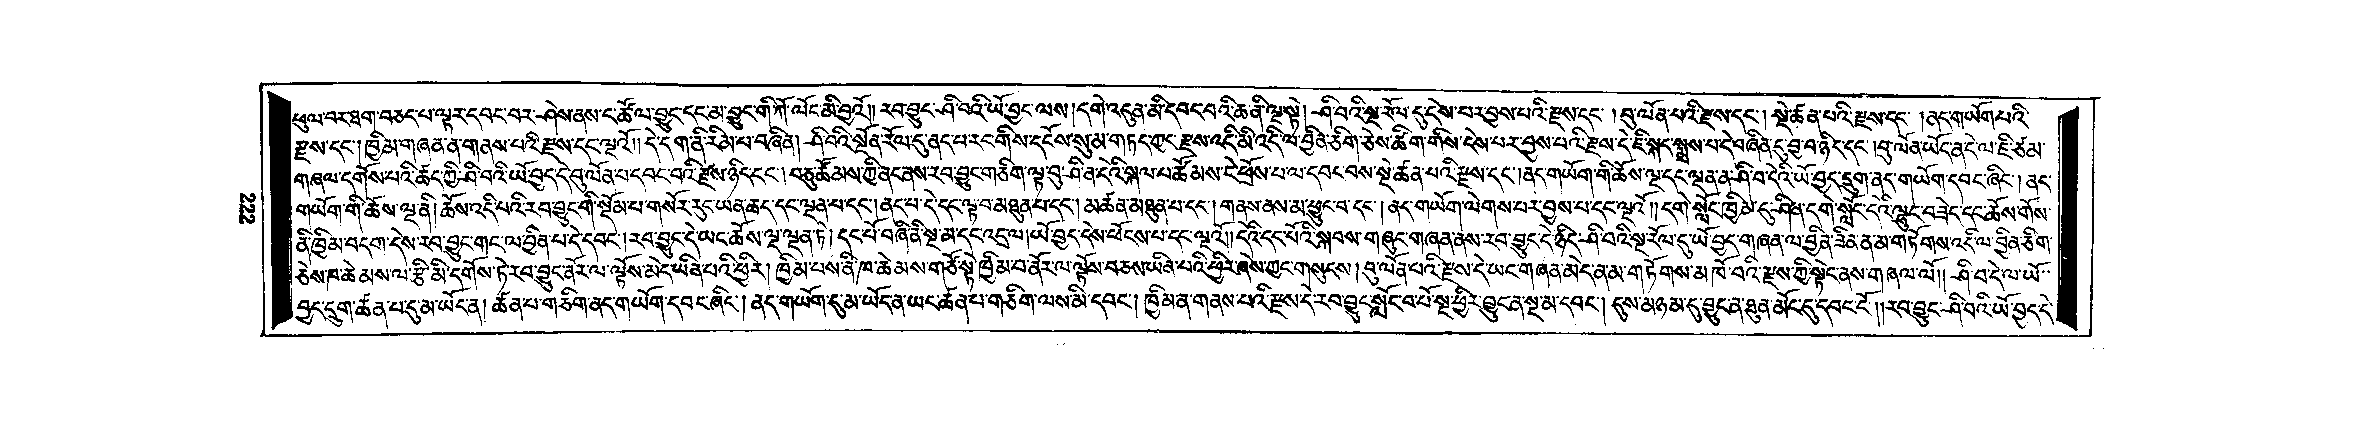ཕུལ་བར་ཐག་བཅད་པ་ལྟར་དབང་བར་ཤེས་ནས་ང་ཚོ་ལ་བྱུང་དང་མ་བྱུང་གི་ཀོ་ལོང་མི་བྱའོ། །རབ་བྱུང་ཤི་བའི་ཡོ་བྱང་ལས། དགེ་འདུན་མི་དབང་བའི་ཆ་ནི་ལྔ་སྟེ། ཤི་བའི་སྔ་རོལ་དུ་ངེས་པར་བྱས་པའི་རྫས་དང་། བུ་ལོན་པའི་རྫས་དང་། སྡེ་ཚན་པའི་རྫས་དང་། ནད་གཡོག་པའི་
རྫས་དང་། ཁྱིམ་གཞན་ན་གནས་པའི་རྫས་དང་ལྔའོ། །དེ་དག་ནི་རིམ་པ་བཞིན། ཤི་བའི་སྔོན་རོལ་དུ་ནད་པ་རང་གིས་དངོས་སུ་མ་གཏད་ཀྱང་རྫས་འདི་མི་འདི་ལ་བྱིན་ཅིག་ཅེས་ཚིག་གིས་ངེས་པར་བྱས་པའི་རྫས་དེ་ཇི་སྐད་སྨྲས་པ་དེ་བཞིན་དུ་བྱ་བ་ཉིད་དང་། བུ་ལོན་ཡོད་ན་དེ་ལ་ཇི་ཙམ་
གཞལ་དགོས་པའི་ཚད་ཀྱི་ཤི་བའི་ཡོ་བྱད་དེ་བུ་ལོན་པ་དབང་བའི་རྫས་ཉིད་དང་། བཅུ་ཚོམས་ཀྱི་ནང་ནས་རབ་བྱུང་གཅིག་ལྟ་བུ་ཤི་ན་དེའི་སྐལ་པ་ཚོམས་ངེ་ཕྲོས་པ་ལ་དབང་བས་སྡེ་ཚན་པའི་རྫས་དང་། ནད་གཡོག་གི་ཆོས་ལྔ་དང་ལྡན་ན་ཤི་བ་དེའི་ཡོ་བྱད་དྲུག་ནད་གཡོག་དབང་ཞིང་། ནད་
གཡོག་གི་ཆོས་ལྔ་ནི། ཆོས་འདི་པའི་རབ་བྱུང་གི་སྡོམ་པ་གསོར་རུང་ཡན་ཆད་དང་ལྡན་པ་དང་། ནད་པ་དེ་དང་ལྟ་བ་མཐུན་པ་དང་། མཚན་མཐུན་པ་དང་། གནས་ནས་མ་ཕྱུང་བ་དང་། ནད་གཡོག་ལེགས་པར་བྱས་པ་དང་ལྔའོ། །དགེ་སློང་ཁྱིམ་དུ་ཤིན་དགེ་སློང་དེའི་ལྷུང་བཟེད་དང་ཆོས་གོས་
ནི་ཁྱིམ་བདག་དེས་རབ་བྱུང་གང་ལ་བྱིན་པ་དེ་དབང་། རབ་བྱུང་དེ་ཡང་ཆོས་ལྔ་ལྡན་ཏེ། དང་པོ་བཞི་ནི་སྔ་མ་དང་འདྲ་ལ། ཡོ་བྱད་དེས་ཕོངས་པ་དང་། ལྔའོ། །དེའི་དང་པོའི་སྐབས་གཞུང་གཞན་ནས་རབ་བྱུང་དེ་ཉིད་ཤི་བའི་སྔ་རོལ་དུ་ཡོ་བྱད་གཞན་ལ་བྱིན་ཟིན་ན་མ་གཏོགས་འདི་ལ་བྱིན་ཅིག་
ཅེས་ཁ་ཆེམས་ལ་རྩི་མི་དགོས་ཏེ་རབ་བྱུང་ནོར་ལ་ལྟོས་མེད་ཡིན་པའི་ཕྱིར། ཁྱིམ་པས་ནི་ཁ་ཆེམས་གཙོ་སྟེ་ཁྱིམ་བ་ནོར་ལ་ལྟོས་བཅས་ཡིན་པའི་ཕྱིར་ཞེས་ཀྱང་གསུངས། བུ་ལོན་པའི་རྫས་དེ་ཡང་གཞན་མེད་ན་མ་གཏོགས་མཁོ་བའི་རྫས་ཀྱི་སྟེང་ནས་གཞལ་ལོ། །ཤི་བ་དེ་ལ་ཡོ་
བྱད་དྲུག་ཚན་པ་དུ་མ་ཡོད་ན། ཚན་པ་གཅིག་ནད་གཡོག་དབང་ཞིང་། ནད་གཡོག་དུ་མ་ཡོད་ན་ཡང་ཚན་པ་གཅིག་ལས་མི་དབང་། ཁྱིམ་ན་གནས་པའི་རྫས་དེ་རབ་བྱུང་སློང་བ་པོ་སྔ་ཕྱིར་བྱུང་ན་སྔ་མ་དབང་། དུས་མཉམ་དུ་བྱུང་ན་ཐུན་མོང་དུ་དབང་ངོ། །རབ་བྱུང་ཤི་བའི་ཡོ་བྱད་དེ་